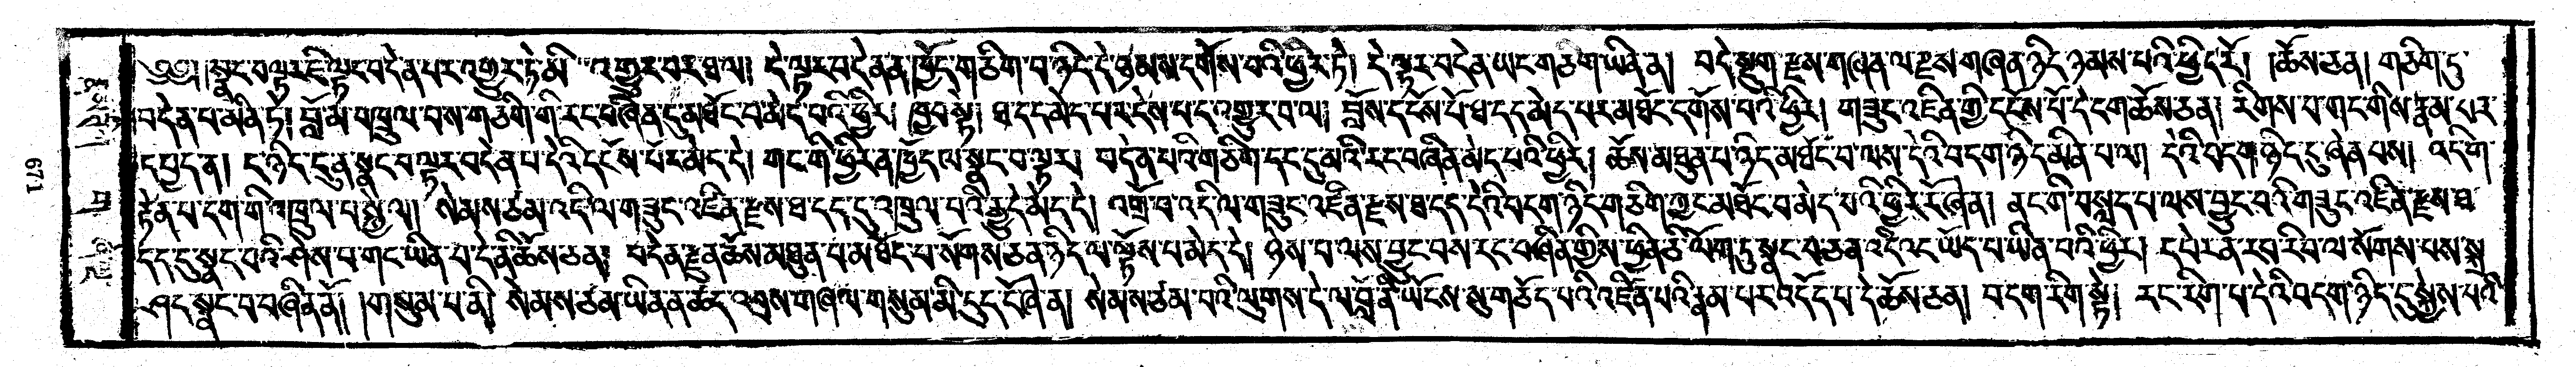༄༅། །སྣང་བ་ལྟར་ཇི་ལྟང་བདེན་པར་འགྱུར་ཏེ་མི་འགྱུར་བར་ཐལ། དེ་ལྟར་བདེན་ན་ཁྱོད་གཅིག་བ་ཉིད་དེ་ཉམས་དགོས་པའི་ཕྱིར་ཏེ། དེ་ལྟར་བདེན་ཡང་གཅིག་ཡིན་ན། བདེ་སྡུག་རྫས་གཞན་ལ་རྫས་གཞན་ཉིད་ཉམས་པའི་ཕྱིར་རོ། །ཆོས་ཅན། གཅིག་ཏུ་
བདེན་པ་མིན་ཏེ། བློ་མ་འཁྲུལ་པས་གཅིག་གི་རང་བཞིན་དུ་མཐོང་བ་མེད་པའི་ཕྱིར། ཁྱབ་སྟེ། ཐ་དད་མེད་པར་ངེས་པ་ད་འགྱུར་བ་ལ། བློས་དངོས་པོ་ཐ་དད་མེད་པར་མཐོང་དགོས་པའི་ཕྱིར། གཟུང་འཛིན་གྱི་དངོས་པོ་དེ་ངག་ཆོས་ཅན། རིགས་པ་གང་གིས་རྣམ་པར་
དཔྱད་ན། ད་ཉིད་དུ་ན་སྣང་བ་ལྟར་བདེན་པ་དེའི་དངོས་པོར་མེད་དེ། གང་གི་ཕྱིར་ན་ཁྱོད་ལ་སྣང་བ་ལྟར། བདེན་པའི་གཅིག་དང་དུ་མའི་རང་བཞིན་མེད་པའི་ཕྱིར། ཆོས་མཐུན་པ་ཉིད་མཐོང་བ་ལས་དེའི་བདག་ཉིད་མིན་པ་ལ། དེའི་བདག་ཉིད་དུ་ཞེ་ན་པས། འདི་ག་
རྟེན་པ་དག་གི་འཁྲུལ་པ་སྐྱེ་ལ། སེམས་ཙམ་འདི་ལ་གཟུང་འཛིན་རྫས་ཐ་དད་དུ་འཁྲུལ་པའི་རྒྱུ་དེ་མེད་དེ། འགྲོ་བ་འདི་ལ་གཟུང་འཛིན་རྫས་ཐ་དད་དེའི་བདག་ཉིད་གཅིག་ཀྱང་མཐོང་བ་མེད་པའི་ཕྱིར་རོ་ཞེ་ན། ནང་གི་བསླད་པ་ལས་བྱུང་བའི་གཟུང་འཛིན་རྫས་ཐ་
དད་དུ་སྣང་བའི་ཤེས་པ་གང་ཡིན་པ་དེ་ནི་ཆོས་ཅན། བདེན་རྫུན་ཆོས་མཐུན་པ་མཐོང་པ་སོགས་ཅན་ཉིད་ལ་ལྟོས་པ་མེད་དེ། ཉིས་པ་ལས་བྱུང་བས་རང་བཞིན་གྱིས་ཕྱིན་ཅི་ལོག་ཏུ་སྣང་བ་ཅན་འདིའང་ཡིད་པ་ཡིན་པའི་ཕྱིར། དཔེར་ན་རབ་རིབ་ལ་སོགས་པས་སྐྲ་
ཤང་སྣང་བ་བཞིན་ནོ། །གསུམ་པ་ནི། སེམས་ཙམ་ཡིན་ན་ཚད་འབྲས་གཞལ་གསུམ་མི་དུད་ངོ་ཞེ་ན། སེམས་ཙམ་བའི་ལུགས་དེ་ལ་བློ་ནི་ཡོངས་སུ་གཅོད་པའི་འཛིན་པའི་རྣམ་པར་འདོད་པ་དེ་ཆོས་ཅན། བདག་རིག་སྟེ། རང་རིག་པ་དེའི་བདག་ཉིད་དུ་སྐྱེས་པའི་